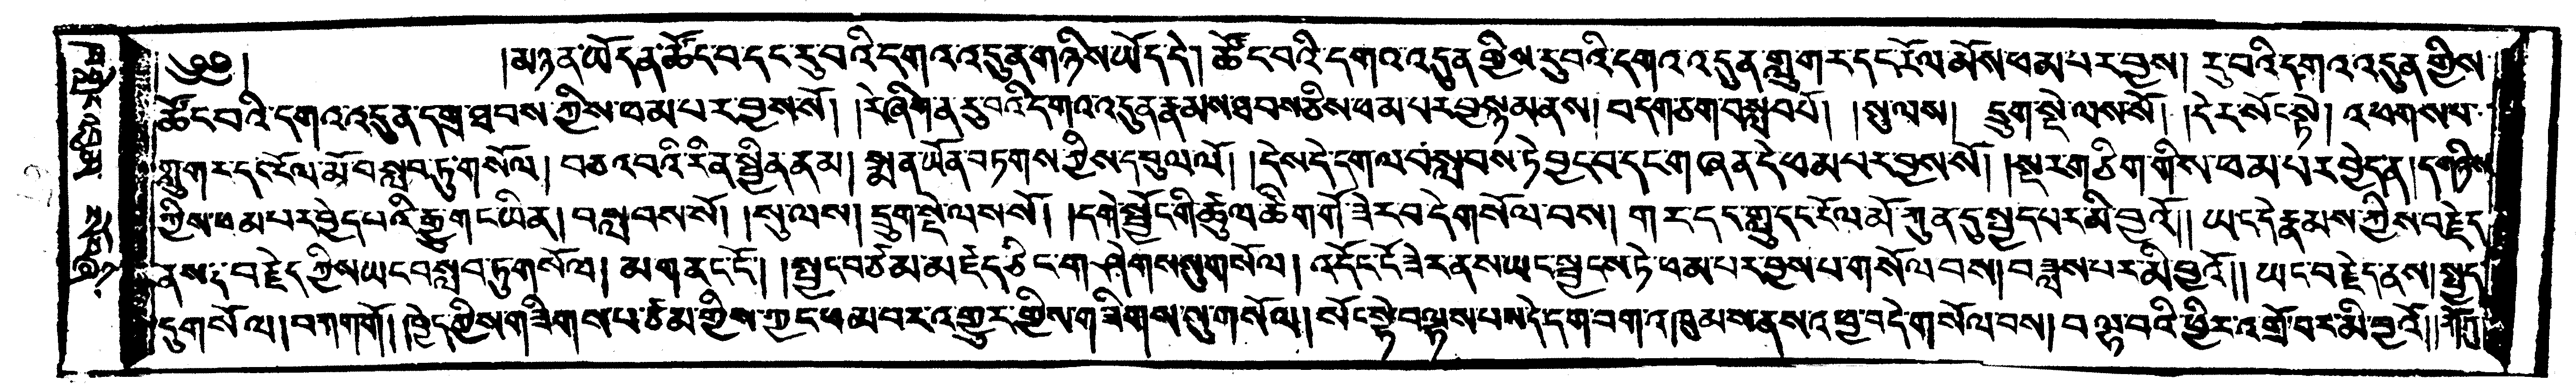༄༅། །མཉན་ཡོད་ན་ཚོང་བ་དང་རུ་བའི་དགའ་འདུན་གཉིས་ཡོད་དེ། ཚོང་བའི་དགའ་འདུན་གྱིས་རུ་བའི་དགའ་འདུན་གླུ་གར་དང་རོལ་མོས་ཕམ་པར་བྱས། རུ་བའི་དགའ་འདུན་གྱིས་
ཚོང་བའི་དགའ་འདུན་དགྲ་ཐབས་ཀྱིས་ཕམ་པར་བྱས་སོ། །རེ་ཞིག་ན་རུ་བའི་དགའ་འདུན་རྣམས་ཐབས་ཅིས་ཕམ་པར་བྱ་སྙམ་ནས། བདག་ཅག་བསླབ་བོ། །སུ་ལས། དྲུག་སྡེ་ལས་སོ། །དེར་སོང་སྟེ། འཕགས་པ་
གླུ་གར་དང་རོལ་མོ་བསླབ་ཏུ་གསོལ། བཅའ་བའི་རིན་སྦྱིན་ནམ། སྨན་ཡོན་བཏགས་ཀྱིས་དབུལ་ལོ། །དེས་དེ་དག་ལ་བསླབས་ཏེ་བྱད་བ་དང་གཞན་དེ་ཕམ་པར་བྱས་སོ། །སྔར་གཅིག་གིས་ཕམ་པར་བྱེད་ན། ད་གཉིས་
ཀྱིས་ཕམ་པར་བྱེད་པའི་རྒྱུ་གང་ཡིན། བསླབས་སོ། །སུ་ལས། དྲུག་སྡེ་ལས་སོ། །དགེ་སྦྱོང་གི་ཚུལ་ཚིག་གོ་ཟེར་བ་དེ་གསོལ་བས། གར་དང་གླུ་དང་རོལ་མོ་ཀུན་དུ་སྤྱད་པར་མི་བྱའོ།། ཡང་དེ་རྣམས་ཀྱིས་བརྗེད་
ནས༑ བརྗེད་ཀྱིས་ཡང་བསླབ་ཏུ་གསོལ། མ་གནང་ངོ། །སྤྱད་པ་ཙམ་མཛད་ཅིང་གཤེགས་སུ་གསོལ། འདོང་ངོ་ཟེར་ནས་ཡང་སྦྱངས་ཏེ་ཕམ་པར་བྱས་པ་གསོལ་བས། བཟླས་པར་མི་བྱའོ། །ཡང་བརྗེད་ནས། སྤྱད་
དུ་གསོལ། བཀག་གོ། ཁྱེད་ཀྱིས་གཟིགས་པ་ཙམ་གྱིས་ཀྱང་ཕམ་པར་འགྱུར་གྱིས་གཟིགས་སུ་གསོལ། སོང་སྟེ་བལྟས་པས་དེ་དག་བག་འཁུམས་ནས་འཕྱ་བ་དེ་གསོལ་བས། བལྟ་བའི་ཕྱིར་འགྲོ་བར་མི་བྱའོ། །ཀོའུ་